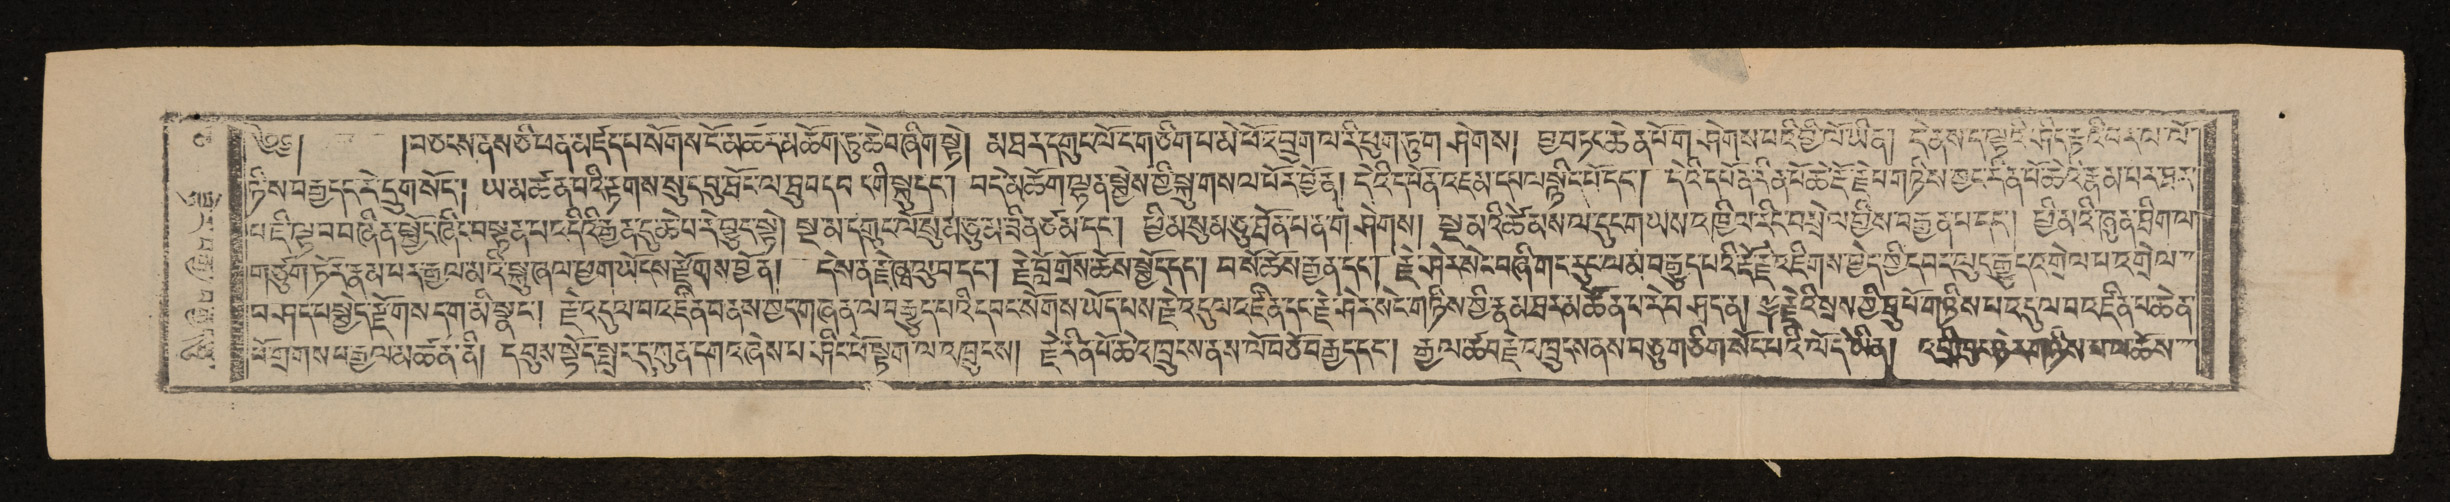༄༅། །བཅངས་ནས་ཅི་ཕན་མཛད་པ་སོགས་ངོ་མཚར་མཆོག་ཏུ་ཆེ་བ་ཞིག་སྟེ། མཐར་དགུང་ལོ་ང་གཅིག་པ་མེ་ཕོ་འབྲུག་ལ་རི་ཕུག་ཏུ་གཤེགས། བྱ་བཏང་ཆེན་པོ་གཤེགས་པའི་ཕྱི་ལོ་ཡིན། དེ་ནས་ད་ལྟའི་ཤིང་རྟའི་བར་ལ་ལོ་
ཉིས་བརྒྱ་དང་རེ་དྲུག་སོང་། ཡ་མཚན་པའི་རྟགས་སུ་དབུ་ཐོད་ལ་ཐུབ་དབང་གི་སྐུ་དང་། བདེ་མཆོག་ལྷན་སྐྱེས་ཀྱི་སྐུ་གསལ་པོར་བྱོན། དེའི་དཔོན་འཇམ་དཔལ་སྙིང་པོ་དང་། དེའི་དཔོན་རིན་པོ་ཆེ་རྡོ་རྗེ་བ་གཉིས་ཀྱང་རིན་པོ་ཆེའི་རྣམ་པར་ཐར་
པ་ཇི་ལྟ་བ་བཞིན་སྐྱོང་ཞིང་བསྟན་པ་འདིའི་རྒྱན་དུ་ཆེ་བ་རེ་བྱུང་སྟེ། སྔ་མ་དགུང་ལོ་སུམ་ཅུ་མ་ཟིན་ཙམ་དང་། ཕྱི་མ་སུམ་ཅུ་ཐོན་པ་ན་གཤེགས། སྔ་མའི་ཚེམས་ལ་དུང་གཡས་འཁྱིལ་རིང་བསྲེལ་གྱིས་བརྒྱན་པ་དང་། ཕྱི་མའི་ཞུན་ཐིག་ལ་
གཙུག་ཏོར་རྣམ་པར་རྒྱལ་མའི་སྐུ་ཞལ་ཕྱག་ཡོངས་རྫོགས་བྱོན། དེས་ན་རྗེ་ཞྭ་ལུ་པ་དང་། རྗེ་བློ་གྲོས་ཆོས་སྐྱོང་དང་། བ་སོ་ཆོས་རྒྱན་དང་། རྗེ་ཤེར་སེང་བཞི་གང་རུང་ལམ་བརྒྱུད་པའི་རྡོ་རྗེ་འཇིགས་བྱེད་ཀྱི་དབང་ལུང་རྒྱུད་འགྲེལ་པ་འགྲེལ་
བཤད་བསྐྱེད་རྫོགས་དག་མི་སྣང་། རྗེ་འདུལ་བ་འཛིན་པ་ནས་ཀྱང་གཞན་ལ་བརྒྱུད་པའི་དབང་སོགས་ཡོད་པས་རྗེ་འདུལ་འཛིན་དང་རྗེ་ཤེར་སེང་གཉིས་ཀྱི་རྣམ་ཐར་མཚོན་པ་རེ་བཤད་ན། ༈ རྗེའི་སྲས་ཀྱི་ཐུ་བོ་གཉིས་པ་འདུལ་བ་འཛིན་པ་ཆེན་
པོ་གྲགས་པ་རྒྱལ་མཚན་ནི། དབུས་སྟོད་སྦྲང་དུ་ཀུན་དགའ་ཞེས་པ་ཤིང་ཕོ་སྟག་ལ་འཁྲུངས། རྗེ་རིན་པོ་ཆེ་འཁྲུངས་ནས་ལོ་བཅོ་བརྒྱད་དང་། རྒྱལ་ཚབ་རྗེ་འཁྲུངས་ནས་བཅུ་གཅིག་སོང་བའི་ལོ་དེ་ཡིན། འབྲི་ཁུང་ཉེར་གཉིས་པ་ལ་ཆོས་